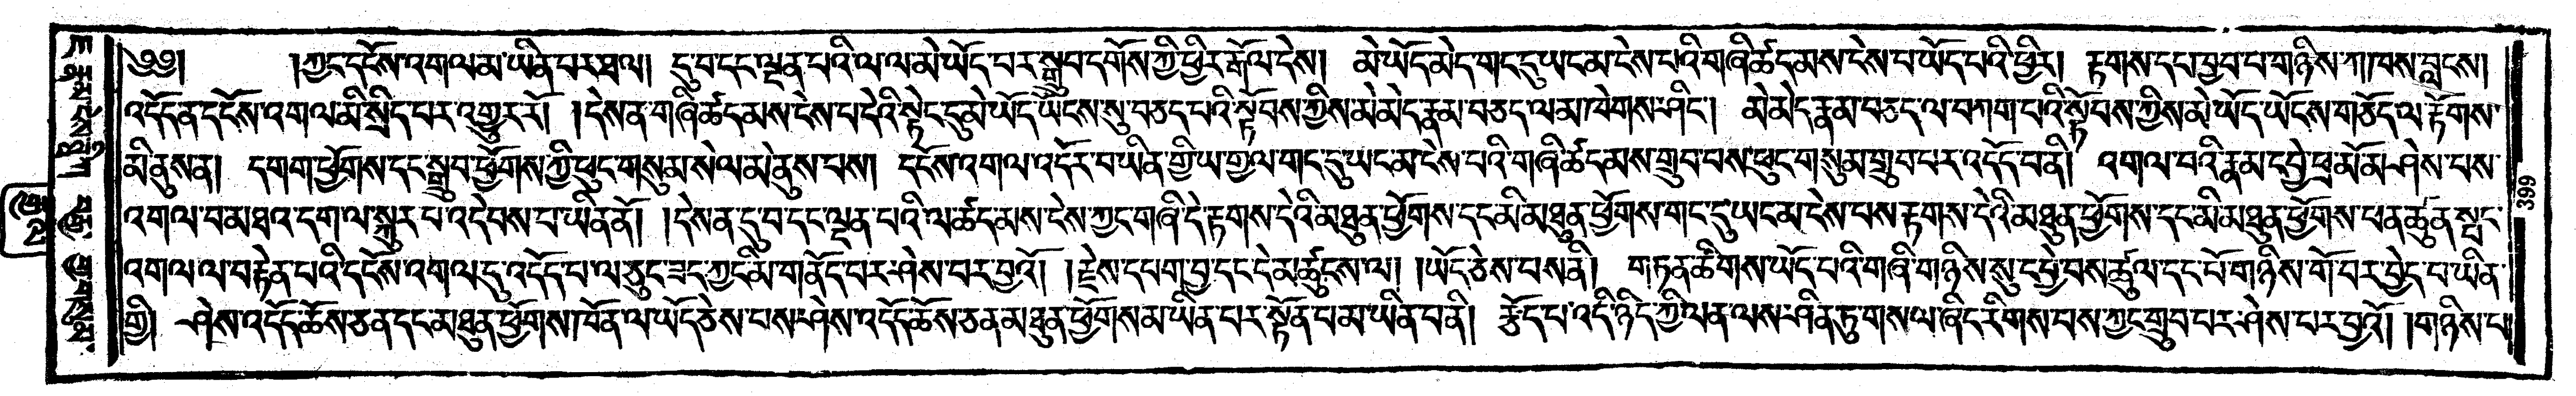༄༅། །ཀྱང་དངོས་འགལ་མ་ཡིན་པར་ཐལ། དུ་བ་དང་ལྡན་པའི་ལ་ལ་མེ་ཡོད་པར་སྒྲུབ་དགོས་ཀྱི་ཕྱིར་རྒོལ་དེས། མེ་ཡོད་མེད་གང་དུ་ཡང་མ་ངེས་པའི་གཞི་ཚད་མས་ངེས་པ་ཡོད་པའི་ཕྱིར། རྟགས་དང་ཁྱབ་པ་གཉིས་ཀ་ཁས་བླངས།
འདོད་ན་དངོས་འགལ་མི་སྲིད་པར་འགྱུར་རོ། །དེས་ན་གཞི་ཚད་མས་ངེས་པ་དེའི་སྟེང་དུ་མེ་ཡོད་ཡོངས་སུ་བཅད་པའི་སྟོབས་ཀྱིས་མེ་མེད་རྣམ་བཅད་ལམ་ཁེགས་ཤིང་། མེ་མེད་རྣམ་བཅད་ལ་བཀག་པའི་སྟོབས་ཀྱིས་མེ་ཡོད་ཡོངས་གཅོད་ལ་རྟོགས་
མི་ནུས་ན། དགག་ཕྱོགས་དང་སྒྲུབ་ཕྱོགས་ཀྱི་ཕུང་གསུམ་སེལ་མེ་ནུས་པས། དངོས་འགལ་འདོར་བ་ཡིན་གྱི་ཡ་གྱལ་གང་དུ་ཡང་མ་ངེས་བའི་གཞི་ཚད་མས་གྲུབ་པས་ཕུང་གསུམ་གྲུབ་པར་འདོད་པ་ནི། འགལ་བའི་རྣམ་དབྱེ་ཕྲ་མོ་མ་ཤེས་པས་
འགལ་བ་མཐའ་དག་ལ་སྐུར་པ་འདེབས་པ་ཡིན་ནོ། །དེས་ན་དུ་བ་དང་ལྡན་པའི་ལ་ཚད་མས་ངེས་ཀྱང་གཞི་དེ་རྟགས་དེའི་མཐུན་ཕྱོགས་དང་མི་མཐུན་ཕྱོགས་གང་དུ་ཡང་མ་ངེས་པས་རྟགས་དེའི་མཐུན་ཕྱོགས་དང་མི་མཐུན་ཕྱོགས་ཕན་ཚུན་སྤང་
འགལ་ལ་བརྟེན་པའི་དངོས་འགལ་དུ་འདོད་པ་ལ་ཅུང་ཟད་ཀྱང་མི་གནོད་པར་ཤེས་པར་བྱའོ། །རྗེས་དཔག་བྱ་དང་དེ་མཚུངས་ལ། །ཡོད་ཅེས་པས་ནི། གཏན་ཚིགས་ཡོད་པའི་གཞི་གཉིས་སུ་དབྱེ་བས་ཚུལ་དང་པོ་གཉིས་གོ་བར་བྱེད་པ་ཡིན་
གྱི། ཤེས་འདོད་ཆོས་ཅན་དང་མཐུན་ཕྱོགས་ཁོ་ན་ལ་ཡོད་ཅེས་པས་ཤེས་འདོད་ཆོས་ཅན་མཐུན་ཕྱོགས་མ་ཡིན་པར་སྟོན་པ་མ་ཡིན་པ་ནི། རྩོད་པ་འདི་ཉིད་ཀྱི་ལན་ལས་ཤིན་ཏུ་གསལ་ཞིང་རིགས་པས་ཀྱང་གྲུབ་པར་ཤེས་པར་བྱའོ། །གཉིས་པ་